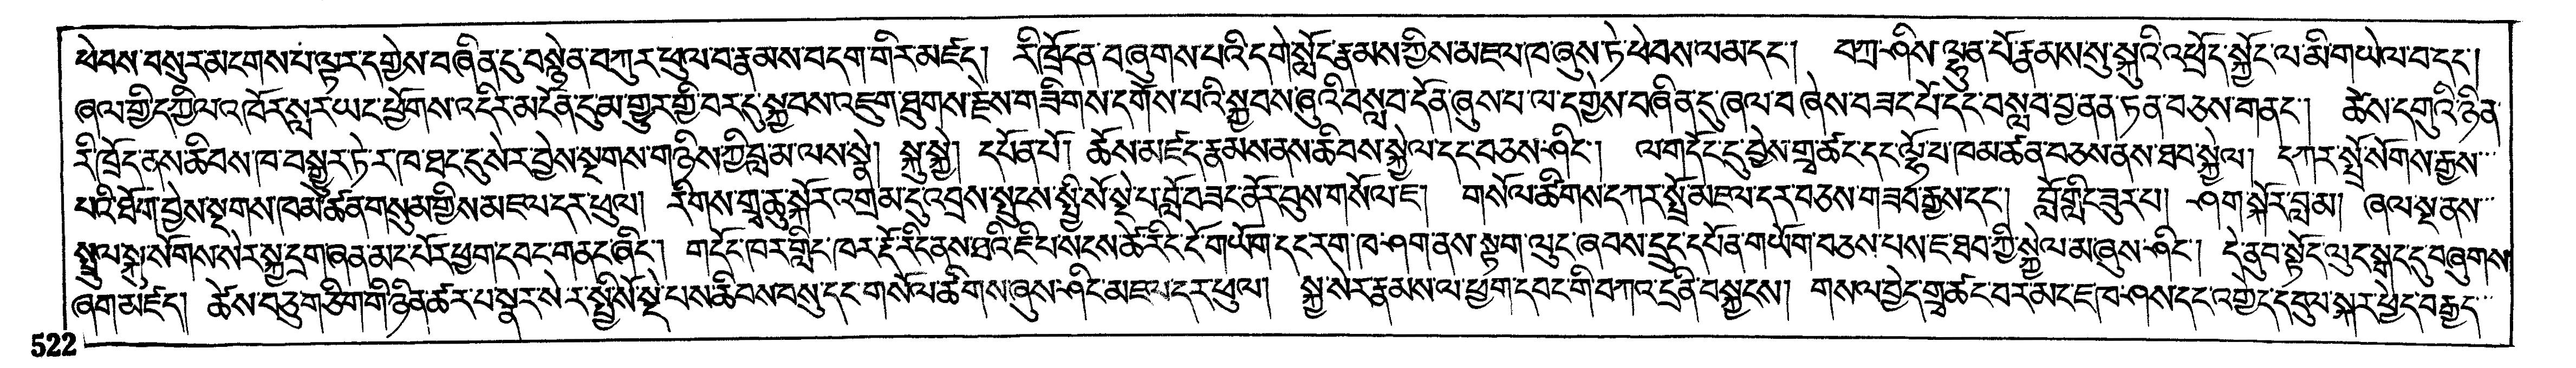ཕེབས་བསུར་མངགས་པ་ལྟར་དགྱེས་བཞིན་དུ་བསྙེན་བཀུར་ཕལ་བ་རྣམས་བདག་གིར་མཛད། རི་ཁྲོད་ན་བཞུགས་པའི་དགེ་སློང་རྣམས་ཀྱིས་མཇལ་ཁ་ཞུས་ཏེ་ཕེབས་ལམ་དང་། བཀྲ་ཤིས་ལྷུན་པོ་རྣམས་སུ་སྐུའི་འཕྲོང་སྐྱོང་ལ་མི་གཡེལ་བ་དང་།
ཞལ་གྱི་དཀྱིལ་འཁོར་སླར་ཡང་ཕྱོགས་འདིར་མངོན་དུ་མ་གྱུར་གྱི་བར་དུ་སྐྱབས་འཇུག་ཐུགས་རྗེས་གཟིགས་དགོས་པའི་སྐྱབས་ཞུའི་བསླབ་དོན་ཞུས་པ་ལ་དགྱེས་བཞིན་དུ་ཞལ་བཞེས་བཟང་པོ་དང་བསླབ་བྱ་ནན་ཏན་བཅས་གནང་། ཚེས་དགུའི་ཉིན་
རི་ཁྲོད་ནས་ཆིབས་ཁ་བསྒྱུར་ཏེ་ར་ཁ་ཐང་དུ་སེར་བྱེས་སྔགས་གཉིས་ཀྱི་བླ་མ་ལས་སྣེ། སྐུ་སྐྱེ། དཔོན་པོ། ཆོས་མཛད་རྣམས་ནས་ཆིབས་སྐྱེལ་དང་བཅས་ཤིང་། ལ་གདོང་དུ་བྱེས་གྲྭ་ཚང་དང་ལྷོ་པ་ཁ་མཚན་བཙས་ནས་ཐབ་སྐྱེལ། དཀར་སྤྲོ་སོགས་རྒྱས་
པའི་ཐོག་བྱས་སྔགས་ཁམ་ཚན་གསུམ་གྱིས་མཇལ་དར་ཕུལ། རིགས་གྲྭ་ཆུ་སྐོར་འགྲམ་དུ་འབྲས་སྤུངས་སྤྱི་སོ་སྡེ་པ་བློ་བཟང་ནོར་བུས་གསོལ་ཇ། གསོལ་ཚིགས་དཀར་སྤྲོ་མཇལ་དར་བཅས་གཟབ་རྒྱས་དང་། བློ་གླིང་ཟུར་པ། ཤག་སྐོར་བླ་མ། ཞལ་སྔ་ནས་
སྤྲུལ་སྐུ་སོགས་སེར་སྐྱ་དྲག་ཞན་མང་པོར་ཕྱག་དབང་གནང་ཞིང་། གདོང་ཁར་གླིང་ཁར་རྡོ་རིང་ནས་ཐའི་ཇིབ་སངས་ཚེ་རིང་ངོ་གཡོག་དང་རག་ཁ་ཤག་ནས་སྟག་ལུང་ཞབས་དྲུང་དཔོན་གཡོག་བཅས་པས་ཇ་ཐབ་ཀྱི་སྐྱེལ་མ་ཞུས་ཤིང་། དེ་ནུབ་སྟོད་ལུང་སྒུང་དུ་བཞུགས་
ཞག་མཛད། ཚེས་བཅུ་གཅིག་གི་ཉིན་ཚར་པ་སྣར་སེར་སྤྱི་སོ་སྡེ་པས་ཆིབས་བསུ་དང་གསོལ་ཚིགས་ཞུས་ཤིང་མཇལ་དེར་ཕུལ། སྐྱ་སེར་རྣམས་ལ་ཕྱག་དབང་གི་བཀའ་དྲིན་བསྐྱངས། གསལ་བྱེད་གྲྭ་ཚང་བར་མང་ཇ་ཁ་ཤས་དང་འགྱེད་དངུལ་སྐར་ཕྱེད་བརྒྱད་